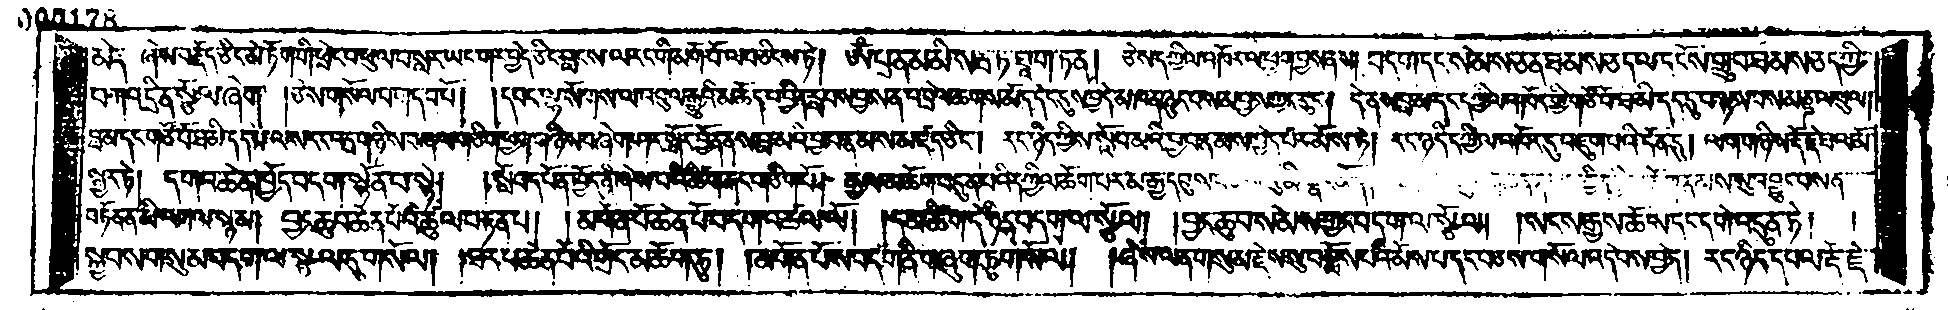མི། ཞེས་བརྗོད་ཅིང་མེ་ཏོག་གི་ཕྲེང་བ་ཕུལ་བ་སླར་ཡང་གར་བྱེད་ཅིང་བླངས་ལ་རང་གི་མགོ་བོ་ལ་བཅིངས་ཏེ།  ཨོཾ་པྲ་ན་མ་མི་སརྦ་ཏ་ཐཱ་ག་ཏ་ན། ཅེས་དཀྱིལ་འཁོར་ལ་ཕྱག་བྱས་ནས།  བདག་དང་སེམས་ཅན་ཐམས་ཅད་ལ་དངོས་གྲུབ་ཐམས་ཅད་ཀྱི་
བཀའ་དྲིན་སྩོལ་ཞིག །ཅེས་གསོལ་བ་གདབ་པོ། །དབང་ལྷ་སོགས་ལ་འབུལ་རྒྱུའི་མཆོད་པ་བྱིན་རླབས་བྱས་ན་འབྲེལ་ཆགས་མོད་དེང་དུས་བྱེད་མཁན་ཉུང་བསམ་བྱས་ཀྱང་རུང་། དེ་ནས་བླ་མ་དང་དཀྱིལ་འཁོར་གྱི་གཙོ་བོ་ཐ་མི་དད་དུ་བལྟས་བས་མཎྜལ་ཕུལ།
བླ་མ་དང་གཙོ་བོ་ཐ་མི་དད་པ་ལས་རང་འདྲ་གཉིས་བཞལ་གཅིག་ཕྱག་གཉིས་པ་ཞིག་ཤར་སྒོར་བྱོན་ནས་བླ་མའི་བྱ་བ་རྣམས་མཛད་ཅིང་། རང་ཉིད་ཀྱིས་སློབ་མའི་བྱ་བ་རྣམས་བྱེད་པར་མོས་ཏེ། རང་ཉིད་དཀྱིལ་འཁོར་དུ་འཇུག་པའི་དོན་དུ། ལག་གཉིས་རྡོ་རྗེ་ཐལ་མོ་
སྦྱར་ཏེ། དགའ་ཆེན་ཁྱོད་བདག་སྟོན་པ་སྟེ། །སློབ་དཔོན་ཁྱོད་ནི་ཞེས་པའི་ཚིག་རྐང་གཅིག་པོ། རྒྱལ་མཆོག་བདུན་པའི་དཀྱིལ་ཆོག་པར་མ་རྒྱ་དབུས་བཅས་སུ་མི་སྣང་མོད། མཁས་གྲུབ་གཞན་རྣམས་ཀྱི་དཀྱིལ་ཆོག་རྣམས་སུ་འབྱུང་བས་ན་
བཏོན་ན་མི་འགལ་སྙམ། བྱང་ཆུབ་ཆེན་པོའི་ཚུལ་བརྟན་པ། །མགོན་པོ་ཆེན་པོ་བདག་འཚལ་ལོ། །དམ་ཚིག་དེ་ཉིད་བདག་ལ་སྩོལ། །བྱང་ཆུབ་སེམས་ཀྱང་བདག་ལ་སྩོལ། །སངས་རྒྱས་ཆོས་དང་དགེ་འདུན་ཏེ། །
སྐྱབས་གསུམ་བདག་ལ་སྩལ་དུ་གསོལ། །ཐར་པ་ཆེན་པོའི་གྲོང་མཆོག་ཏུ། །མགོན་པོས་བདག་ནི་གཞུག་ཏུ་གསོལ། །ཞེས་ལན་གསུམ་རྗེས་སུ་བཟློས་པའི་མོས་པ་དང་བཅས་གསོལ་འདེབས་བྱེད།  རང་ཉིད་དཔལ་རྡོ་རྗེ་